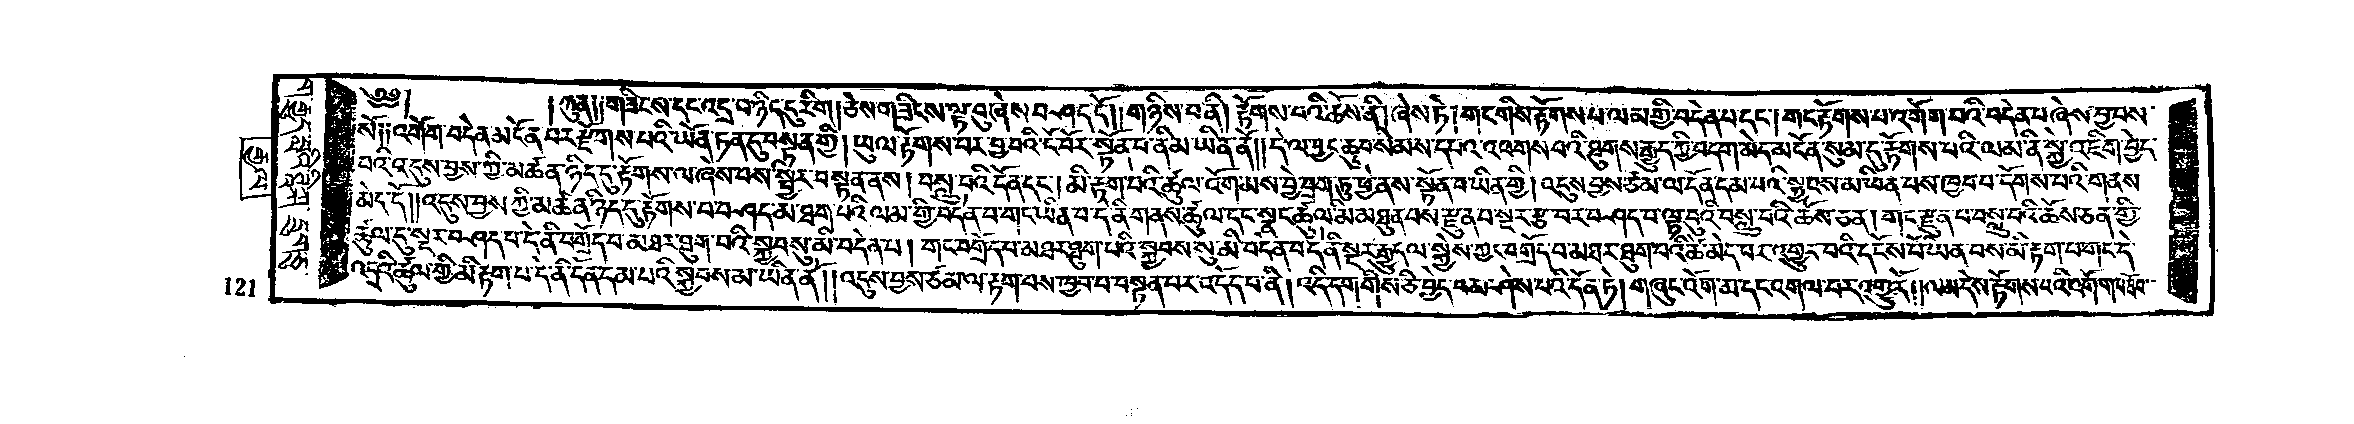༄༅། །ཀུན༑ ༑གཟིངས་དང་འདྲ་བ་ཉིད་དུ་རིག །ཅེས་གཟིངས་ལྟ་བུ་ཞེས་བཤད་དོ། །གཉིས་པ་ནི། རྟོགས་པའི་ཆོས་ནི། ཞེས་ཏེ། གང་གིས་རྟོགས་པ་ལམ་གྱི་བདེན་པ་དང་། གང་རྟོགས་པ་འགོག་པའི་བདེན་པ་ཞེས་བྱ་བས་
སོ༑ ༑འགོག་བདེན་མངོན་པར་རྫོགས་པའི་ཡོན་ཏན་དུ་བསྟན་གྱི་།ཡུལ་རྟོགས་པར་བྱ་བའི་ངོ་བོར་སྟོན་པ་ནི་མ་ཡིན་ནོ། །དེ་ལ་བྱང་ཆུབ་སེམས་དཔའ་འཕགས་པའི་ཐུགས་རྒྱུད་ཀྱི་བདག་མེད་མངོན་སུམ་དུ་རྟོགས་པའི་ལམ་ནི་སྐྱེ་འཇིག་བྱེད་
པའི་འདུས་བྱས་ཀྱི་མཚན་ཉིད་དུ་རྟོགས་ལ་ཞེས་པས་སྤྱིར་བསྟན་ནས། བསླུ་བའི་དོན་དང་། མི་རྟག་པའི་ཚུལ་འོག་མས་བྱེ་བྲག་ཏུ་ཕྱེ་ནས་སྟོན་པ་ཡིན་གྱི་།འདུས་བྱས་ཙམ་ལ་དོན་དམ་པའི་སྐྱབས་མ་ཡིན་པས་ཁྱབ་པ་དོགས་པའི་གནས་
མེད་དོ། །འདུས་བྱས་ཀྱི་མཚན་ཉིད་དུ་རྟོགས་པ་བཤད་མ་ཐག་པའི་ལམ་གྱི་བདེན་པ་གང་ཡིན་པ་དེ་ནི་གནས་ཚུལ་དང་སྣང་ཚུལ་མི་མཐུན་པས་རྫུན་པ་སྔར་རྩ་བར་བཤད་པ་ལྟ་བུའི་བསླུ་བའི་ཆོས་ཅན། གང་རྫུན་པ་བསླུ་བའི་ཆོས་ཅན་གྱི་
ཚུལ་དུ་སྔར་བཤད་པ་དེ་ནི་བགྲོད་པ་མཐར་ཐུག་པའི་སྐྱབས་སུ་མི་བདེན་པ། གང་བགྲོད་པ་མཐར་ཐུག་པའི་སྐྱབས་སུ་མི་བདེན་བ་དེ་ནི་སྔར་རྒྱུད་ལ་སྐྱེས་ཀྱང་བགྲོད་པ་མཐར་ཐུག་པའི་ཚེ་མེད་པར་འགྱུར་བའི་དངོས་པོ་ཡིན་པས་མི་རྟག་པ་གང་དེ་
འདྲའི་ཚུལ་གྱི་མི་རྟག་པ་དེ་ནི་དོན་དམ་པའི་སྐྱབས་མ་ཡིན་ནོ། །འདུས་བྱས་ཙམ་ལ་རྟག་པས་ཁྱབ་པ་བསྟན་པར་འདོད་པ་ནི། འདི་དག་གིས་ཅི་བྱེད་བམ་ཤེས་པའི་དོན་ཏེ། གཞུང་འོག་མ་དང་འགལ་བར་འགྱུར་རོ། །ལམ་དེས་རྟོགས་པའི་འགོག་པ་ཐོབ་